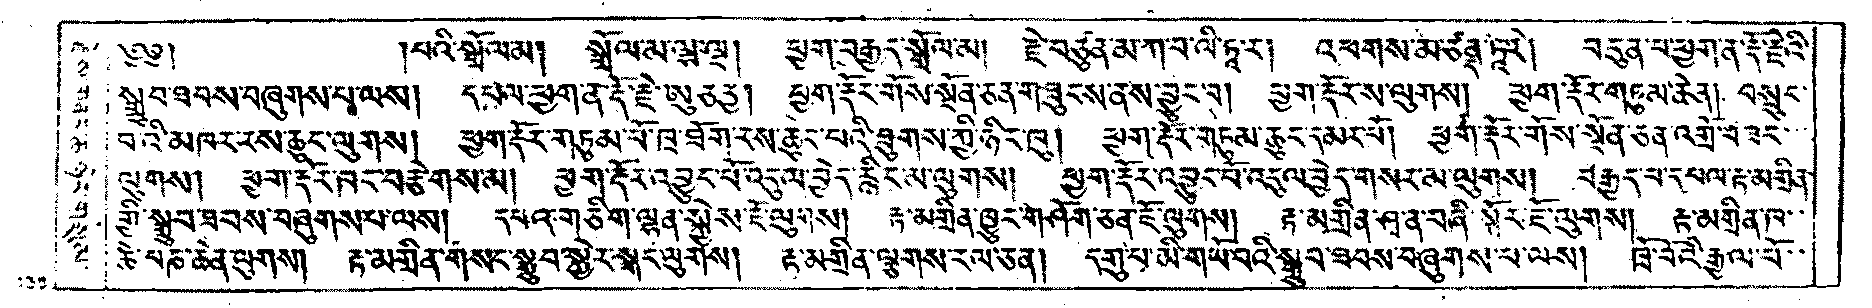༄༅། །པའི་སྒྲོལ་མ། སྒྲོལ་མ་ལྷ་ལྔ། ཕྱག་བརྒྱད་སྒྲོལ་མ། རྗེ་བཙུན་མ་ཀ་བ་ལི་ཏཱ་ར། འཕགས་མ་ཙནྡ་ཏཱ་རེ། བདུན་པ་ཕྱག་ན་རྡོ་རྗེའི་
སྒྲུབ་ཐབས་བཞུགས་པ་ལས། དཔལ་ཕྱག་ན་རྡོ་རྗེ་ཨུ་ཙ་རྱ། ཕྱག་རྡོར་གོས་སྔོན་ཅན་གཟུངས་ནས་བྱུང་བ། ཕྱག་རྡོར་ས་ལུགས། ཕྱག་རྡོར་གཏུམ་ཆེན། བསྲུང་
བའི་མཁར་རས་ཆུང་ལུགས། ཕྱག་རྡོར་གཏུམ་པོ་ཁྲ་ཐོག་རས་ཆུང་པའི་ཐུགས་ཀྱི་ཉིང་ཁུ། ཕྱག་རྡོར་གཏུམ་ཆུང་དམར་པོ། ཕྱག་རྡོར་གོས་སྔོན་ཅན་འགྲོ་བཟང་
ལུགས། ཕྱག་རྡོར་ཁང་བརྩེགས་མ། ཕྱག་རྡོར་འབྱུང་པོ་འདུལ་བྱེད་རྙིང་མ་ལུགས། ཕྱག་རྡོར་འབྱུང་པོ་འདུལ་བྱེད་གསར་མ་ལུགས། བརྒྱད་པ་དཔལ་རྟ་མགྲིན་
གྱི་སྒྲུབ་ཐབས་བཞུགས་པ་ལས། དཔའ་གཅིག་ལྷན་སྐྱེས་ཇོ་ལུགས། རྟ་མགྲིན་ཁྱུང་གཤོག་ཅན་ཇོ་ལུགས། རྟ་མགྲིན་ཤྭ་ན་བཞི་སྐོར་ཇོ་ལུགས། རྟ་མགྲིན་ཁ་
ཆེ་པཎ་ཆེན་ལུགས། རྟ་མགྲིན་གསང་སྒྲུབ་སྐྱེར་སྒང་ལུགས། རྟ་མགྲིན་ལྕགས་རལ་ཅན། དགུ་པ་མི་གཡོ་བའི་སྒྲུབ་ཐབས་བཞུགས་པ་ལས། ཁྲོ་བོའི་རྒྱལ་པོ་